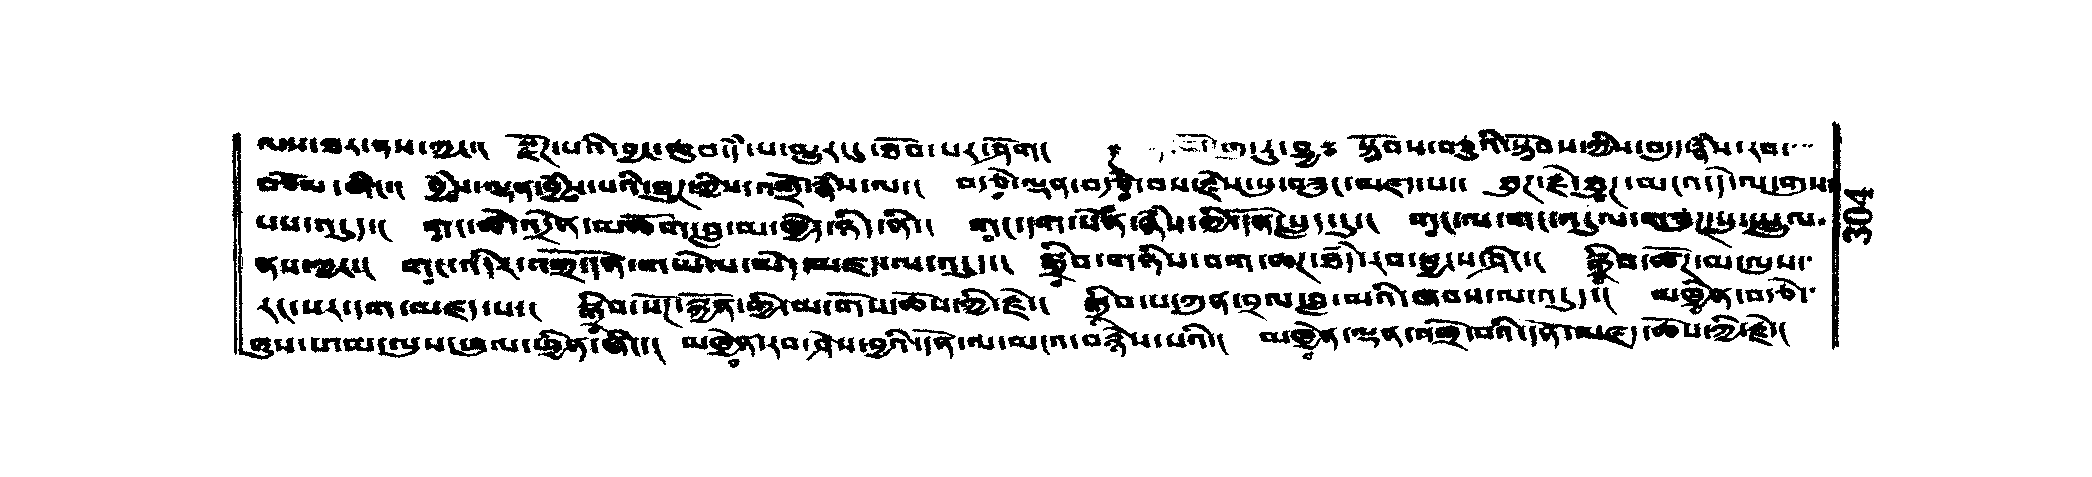ལས་ཐར་ནས་ཀྱང་། རྫོགས་པའི་བྱང་ཆུབ་དམ་པ་མྱུར་དུ་ཐོབ་པར་ཤོག ༈ ན་མོ་གུ་རུ་བྷྱཿ སྟོབས་བཅུའི་སྟོབས་ཀྱིས་བདུད་རྣམས་རབ་
བཅོམ་ཞིང་། །བྱམས་ལྡན་བྱམས་པའི་ཐུགས་ཀྱིས་འགྲོ་རྣམས་ལ། །བརྩེ་ལྡན་བརྩེ་བས་རྗེས་སུ་བཟུང་མཛད་པ། །ཐུགས་རྗེ་ཐུགས་མངའ་དེ་ལ་གུས་
པས་འདུད། །གང་ཚེ་འདྲེན་མཆོག་བླ་མ་ཁྱེད་ཉིད་ནི། །གང་དག་སེམ་ཅན་རྣམས་གྱི་དོན་སླད་དུ། །གང་ལ་གང་འདུལ་གཟུགས་སུ་སྤྲུལ་
ནས་ཀྱང་། །གང་འདིར་འགྲོ་དོན་གཡེལ་མེད་མཛད་ལ་འདུད། །སྒྲིབ་གཉིས་བག་ཆགས་ཐམས་ཅད་རབ་སྦྱངས་ཤིང་། །སྒྲིབ་ཚོགས་མ་ལུས་
རང་སར་དག་མཛད་པ། སྒྲིབ་སོགས་སྐྱོན་གྱི་མ་གོས་ཆོས་ཀྱི་རྗེ། སྒྲིབ་པ་ཀུན་བྲལ་བླ་མའི་ཞབས་ལ་འདུད། །མཁྱེན་བརྩེ་
ནུས་པ་མ་ལུས་ཕུལ་ཕྱིན་ཞིང་། །མཁྱེན་རབ་ཤེས་བྱའི་དོན་ལ་མངའ་བརྙེས་པའི། མཁྱེན་ལྡན་འགྲོ་བའི་དོན་མཛད་ཆོས་ཀྱི་རྗེ།